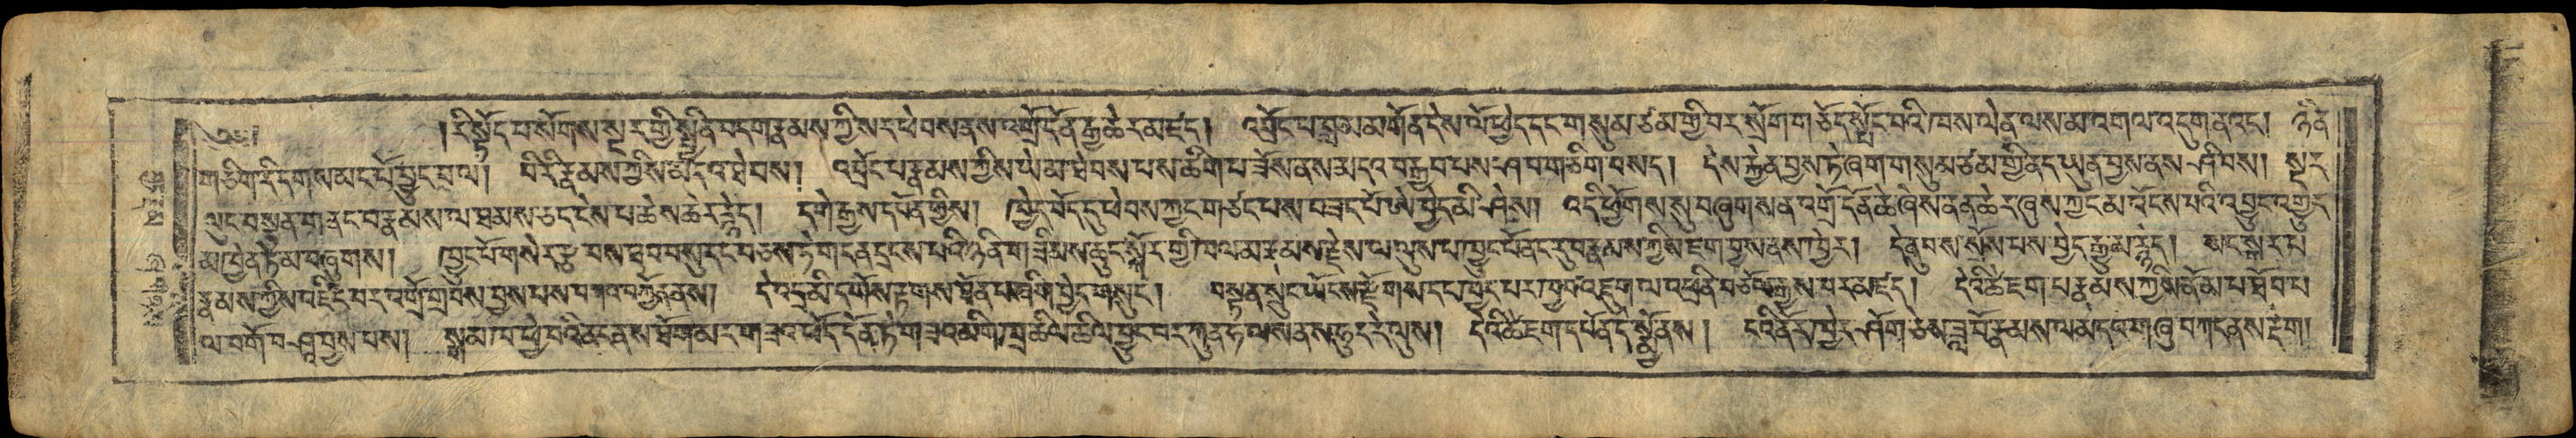༄༅། །རི་སྟོད་པ་སོགས་སྔར་གྱི་སྦྱིན་བདག་རྣམས་ཀྱི་སར་ཕེབས་ནས་འགྲོ་དོན་རྒྱ་ཆེར་མཛད། འབྲོང་པ་བླ་མ་མགོན་དེས་ལོ་ཕྱེད་དང་གསུམ་ཙམ་གྱི་བར་སྲོག་གཅོད་སྤོང་བའི་ཁས་ལེན་ལས་མ་འགལ་འདུག་ནའང་། ཉིན་
གཅིག་རི་དགས་མང་པོ་བྱུང་བ་ལ། བི་རི་རྣམས་ཀྱིས་མདའ་ཐེབས། འབྲོང་པ་རྣམས་ཀྱིས་ཡེ་མ་ཐེབས་པས་ཚིག་པ་ཟོས་ནས་མདའ་བརྒྱབ་པས་ཤ་བ་གཅིག་བསད། དེས་རྐྱེན་བྱས་ཏེ་ཞག་གསུམ་ཙམ་གྱི་ནད་ཡུན་བྱས་རས་ཤི་བས། སྔར་
ལུང་བསྟན་གནང་བ་རྣམས་ལ་ཐམས་ཅད་ངེས་པ་ཆེས་ཆེར་རྙེད། དགེ་རྒྱས་དཔོན་གྱིས། ཁྱེད་བོད་དུ་ཕེབས་ཀྱང་གཙང་པས་བཟང་པོ་ཨེ་བྱེད་མི་ཤེས། འདི་ཕྱོགས་སུ་བཞུགས་ན་འགོ་དོན་ཆེ་ཞེས་ནན་ཆེར་ཞུས་ཀྱང་མ་འོངས་པའི་འབྱུང་འགྱུར་
མཁྱེན་ཏེ་མ་བཞུགས། ཁྱུང་པོ་གསེར་རྩ་བས་ཐབ་བསུ་དང་བཅས་ཏེ་གདན་དྲངས་པའི་ཉིན་གཟིམས་ཆུང་སྐོར་གྱི་ཁལ་མ་རྣམས་རྗེས་ལ་ལུས་པ་ཁྱུང་པོ་ནང་དུ་ར་བ་རྣམས་ཀྱིས་ཇག་བྱས་ནས་ཁྱེར། དེ་ནུབ་ས་སྲོས་པས་བྱེད་རྒྱུ་མ་རྙད། སང་སྒར་པ་
རྣམས་ཀྱིས་འཛིང་བར་འགྲོ་གྲབས་བྱས་པས་བཀའ་བཀྱོན་ནས། དེ་འདྲ་མི་དགོས་རྟགས་ཐོན་པ་ཞིག་བྱེད་གསུང་། བསྟན་སྲུང་ཡོངས་རྫོགས་དང་ཁྱད་པར་ཁྱབ་འཇུག་ལ་འཕྲིན་བཅོལ་རྒྱས་པར་མཛད། དེའི་ཚེ་ཇག་པ་རྣམས་ཀྱིས་ནོམ་པ་ཐོབ་པ་
ལ་བགོ་བཤྭ་བྱས་པས། སྒམ་ཁ་ཕྱེ་བའི་ནང་ནས་ཐོག་མར་གཟའ་ཕོད་དོན་ཏེ་གཟའ་མིག་ཁྲ་ཆིལ་ཆིལ་བྱུང་བར་ཀུན་ཧ་ལས་ནས་ཧུར་རེ་ལུས། དེའི་ཚེ་ཇག་དཔོན་དེ་སྨྱོ་ནས། ངའི་ནོར་ཁྱེར་ཤོག་ཅེས་ཟླ་བོ་རྣམས་ལ་མདའ་གཞུ་བཀད་ནས་རྡེག།